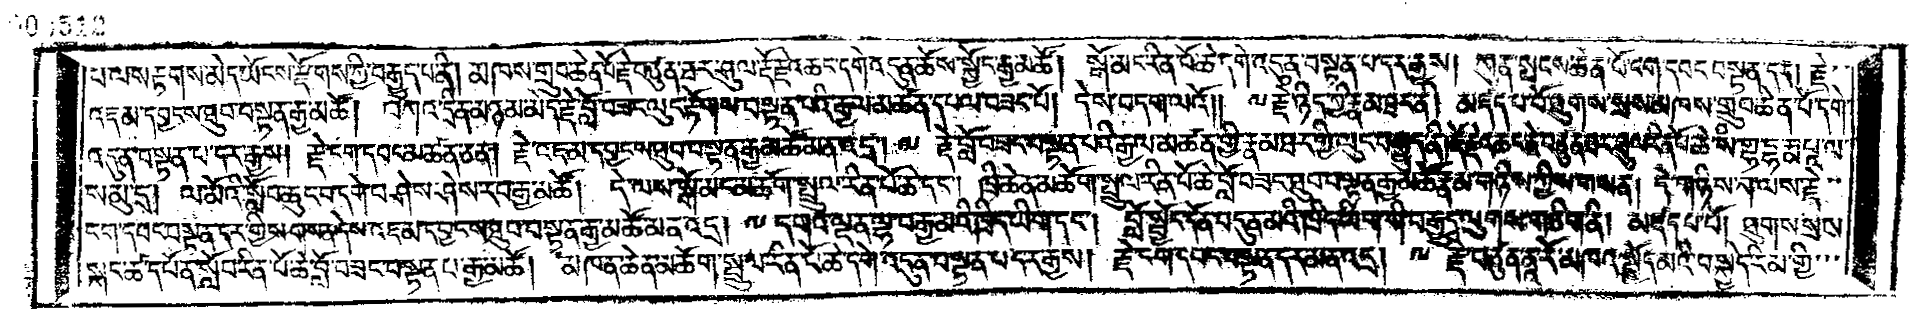པ་ལས་རྟགས་མེད་ཡོངས་རྫོགས་ཀྱི་བརྒྱུད་པ་ནི། མཁས་གྲུབ་ཆེན་པོ་རྗེ་བཙུན་ཐར་ཤུལ་རྡོ་རྗེ་འཆང་དགེ་འདུན་ཆོས་སྐྱོང་རྒྱ་མཚོ། སྒོ་མང་རིན་པོ་ཆེ་དགེ་འདུན་བསྟན་པ་དར་རྒྱས། ཀུན་སྤངས་ཆེན་པོ་ངག་དབང་བསྟན་དར། རྗེ་
འཇམ་དབྱངས་ཐུབ་བསྟན་རྒྱ་མཚོ། བཀའ་དྲིན་མཉམ་མེད་རྡོ་རྗེ་བློ་བཟང་ལུང་རྟོགས་བསྟན་པའི་རྒྱལ་མཚན་དཔལ་བཟང་པོ། དེས་བདག་ལའོ།། ༧་རྗེ་ཉིད་ཀྱི་རྣམ་ཐར་ནི། མཛད་པ་བོ་ཐུགས་སྲས་མཁས་གྲུབ་ཆེན་པོ་དགེ་
འདུན་བསྟན་པ་དར་རྒྱས། རྗེ་ངག་དབང་མཚན་ཅན། རྗེ་འཇམ་དབྱངས་ཐུབ་བསྟན་རྒྱ་མཚོ་མན་འདྲ། ༧་རྗེ་བློ་བཟང་བསྟན་པའི་རྒྱལ་མཚན་གྱི་རྣམ་ཐར་གྱི་ལུང་བརྒྱུད་ནི་།རྡོ་རྗེ་འཆང་རྗེ་བཙུན་ཐར་ཐུལ་རིན་པོ་ཆེ་སཾ་གྷ་དྷ་རྨ་པཱ་ལ་
སམུ་དྲ། ལ་མོའི་སློབ་ཆུང་བ་དགེ་བཤེས་ཤེས་རབ་རྒྱ་མཚོ། དེ་ལས་སྒོ་མང་མཆོག་སྤྲུལ་རིན་པོ་ཆེ་དང་། ཁྲི་ཆེན་མཆོག་སྤྲུལ་རིན་པོ་ཆེ་བློ་བཟང་ཐུབ་བསྟན་རྒྱ་མཚོ་རྣམ་གཉིས་ཀྱིས་གསན། དེ་གཉིས་ཀ་ལས་རྗེ་
ངག་དབང་བསྟན་དར་གྱིས་གསན་།དེས་འཇམ་དབྱངས་ཐུབ་བསྟན་རྒྱ་མཚོ་མན་འདྲ། ༧་དགའ་ལྡན་ལྷ་བརྒྱ་མའི་ཁྲིད་ཡིག་དང་། བློ་སྦྱོང་དོན་བདུན་མའི་ཁྲིད་ཡིག་གི་བརྒྱུད་ལུགས་གཅིག་ནི། མཛད་པ་པོ། ཐུགས་སྲས་
སྐང་ཚ་དཔོན་སློབ་རིན་པོ་ཆེ་བློ་བཟང་བསྟན་པ་རྒྱ་མཚོ། མཁན་ཆེན་མཆོག་སྤྲུལ་རིན་པོ་ཆེ་དགེ་འདུན་བསྟན་པ་དར་རྒྱས། རྗེ་ངག་དབང་བསྟན་དར་མན་འདྲ། ༧་རྗེ་བཙུན་ནཱ་རོ་མཁའ་སྤྱོད་མའི་བསྐྱེད་རིམ་གྱི་